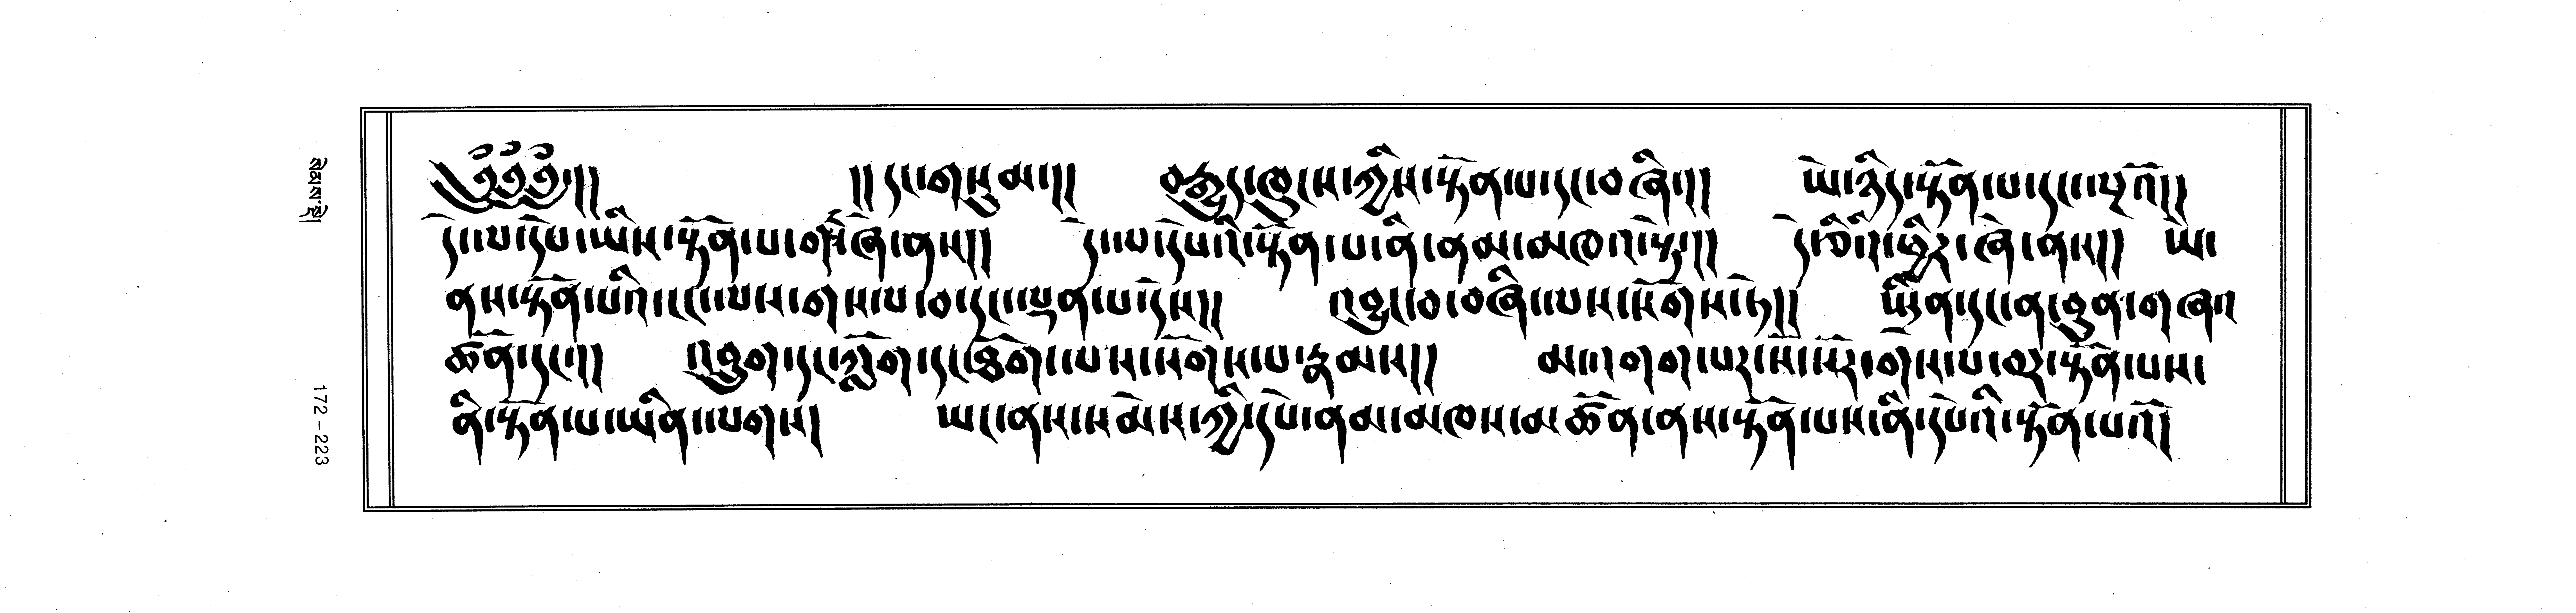དང་གསུམ། བརྒྱུད་ཁུངས་ཀྱིས་སྟོན་པ་དང་བཞི། ཡེ་ཉིད་སྟོན་པ་དང་ལྔའོ། 
དེ་ལ་དཔེ་ཡིས་སྟོན་པ་གང་ཞེ་ནས། དེ་ལ་དཔེའི་སྟོན་པ་ནི་ནམ་མཁའ་སྟེ། དེ་ཅིའི་ཕྱིར་ཞེ་ནས། ཡེ་
ནས་སྟོན་པའི་ངང་ལས་གསལ་བ་དང་ལྡན་པ་དེས། འབྱུང་བ་བཞི་ལས་སོགས་ཏེ། སྤྲིན་དང་ན་བུན་གཞའ་
ཚོན་དང་། འབྲུག་དང་ཀློག་དང་ཐོག་ལས་སོགས་པ་རྣམས། མ་འགག་པར་སོ་སོར་གསལ་བར་སྟོན་པས་
ནི་སྟོན་པ་ཡིན་ལགས། ཡང་ནས་སེམས་ཀྱི་དཔེ་ནམ་མཁས་མཚོན་ནས་སྟོན་པས་ནི་དཔེའི་སྟོན་པའོ།